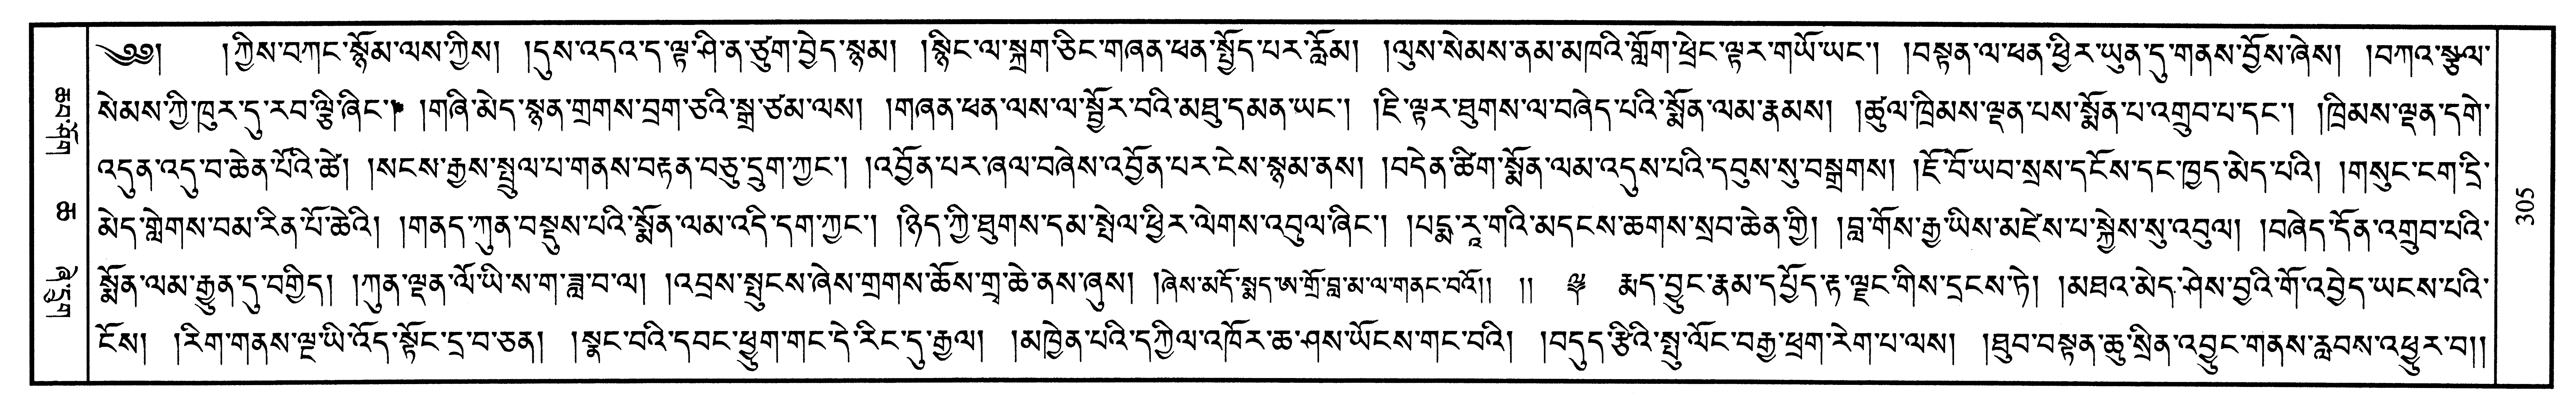༄༅། །ཀྱིས་བཀང་སྙོམ་ལས་ཀྱིས། །དུས་འདའ་ད་ལྟ་ཤི་ན་ཙུག་བྱེད་སྙམ། །སྙིང་ལ་སྐྲག་ཅིང་གཞན་ཕན་སྤྱོད་པར་རློམ། །ལུས་སེམས་ནམ་མཁའི་གློག་ཕྲེང་ལྟར་གཡོ་ཡང་། །བསྟན་ལ་ཕན་ཕྱིར་ཡུན་དུ་གནས་བྱོས་ཞེས། །བཀའ་སྩལ་
སེམས་ཀྱི་ཁུར་དུ་རབ་ལྕི་ཞིང་། །གཞི་མེད་སྙན་གྲགས་བྲག་ཅའི་སྒྲ་ཙམ་ལས། །གཞན་ཕན་ལས་ལ་སྦྱོར་བའི་མཐུ་དམན་ཡང་། །ཇི་ལྟར་ཐུགས་ལ་བཞེད་པའི་སྨོན་ལམ་རྣམས། །ཚུལ་ཁྲིམས་ལྡན་པས་སྨོན་པ་འགྲུབ་པ་དང་། །ཁྲིམས་ལྡན་དགེ་
འདུན་འདུ་བ་ཆེན་པོའི་ཚེ། །སངས་རྒྱས་སྤྲུལ་པ་གནས་བརྟན་བཅུ་དྲུག་ཀྱང་། །འབྱོན་པར་ཞལ་བཞེས་འབྱོན་པར་ངེས་སྙམ་ནས། །བདེན་ཚིག་སྨོན་ལམ་འདུས་པའི་དབུས་སུ་བསྒྲགས། །ཇོ་བོ་ཡབ་སྲས་དངོས་དང་ཁྱད་མེད་པའི། །གསུང་ངག་དྲི་
མེད་གླེགས་བམ་རིན་པོ་ཆེའི། །གནད་ཀུན་བསྡུས་པའི་སྨོན་ལམ་འདི་དག་ཀྱང་། །ཉིད་ཀྱི་ཐུགས་དམ་སྤེལ་ཕྱིར་ལེགས་འབུལ་ཞིང་། །པདམ་རཱ་གའི་མདངས་ཆགས་སྲབ་ཆེན་གྱི། །བླ་གོས་རྒྱ་ཡིས་མཛེས་པ་སྐྱེས་སུ་འབུལ། །བཞེད་དོན་འགྲུབ་པའི་
སྨོན་ལམ་རྒྱུན་དུ་བགྱིད། །ཀུན་ལྡན་ལོ་ཡི་ས་ག་ཟླ་བ་ལ། །འབྲས་སྤུངས་ཞེས་གྲགས་ཆོས་གྲྭ་ཆེ་ནས་ཞུས། །ཞེས་མདོ་སྨད་ཨ་གྲོ་བླ་མ་ལ་གནང་བའོ།། །། ༈ རྨད་བྱུང་རྣམ་དཔྱོད་རྟ་ལྗང་གིས་དྲངས་ཏེ། །མཐའ་མེད་ཤེས་བྱའི་གོ་འབྱེད་ཡངས་པའི་
ངོས། །རིག་གནས་ལྔ་ཡི་འོད་སྟོང་དྲ་བ་ཅན། །སྣང་བའི་དབང་ཕྱུག་གང་དེ་རིང་དུ་རྒྱལ། །མཁྱེན་པའི་དཀྱིལ་འཁོར་ཆ་ཤས་ཡོངས་གང་བའི། །བདུད་རྩིའི་སྤུ་ལོང་བརྒྱ་ཕྲག་རེག་པ་ལས། །ཐུབ་བསྟན་ཆུ་སྲིན་འབྱུང་གནས་རླབས་འཕྱུར་བ།།